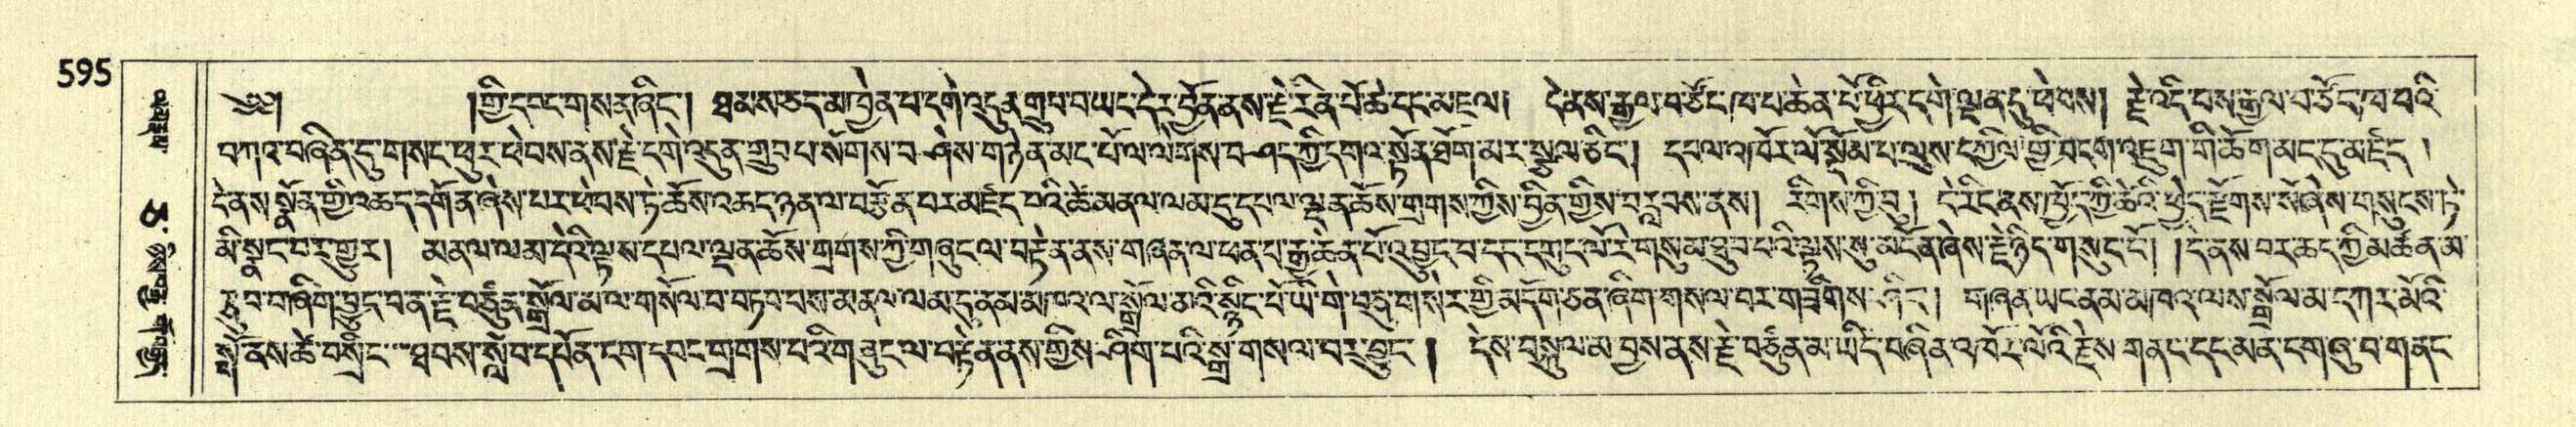༄༅། །གྱི་དབང་གསན་ཞིང་། ཐམས་ཅད་མཁྱེན་པ་དགེ་འདུན་གྲུབ་པ་ཡང་དེར་བྱོན་ནས་རྗེ་རིན་པོ་ཆེ་དང་མཇལ། དེ་ནས་རྒྱལ་བ་ཙོང་ཁ་པ་ཆེན་པོ་ཕྱིར་དགེ་ལྡན་དུ་ཕེབས། རྗེ་འདི་བས་རྒྱལ་བ་ཙོང་ཁ་བའི་
བཀའ་བཞིན་དུ་གསང་ཕུར་ཕེབས་ནས་རྗེ་དགེ་འདུན་གྲུབ་པ་སོགས་བཤེས་གཉེན་མང་པོ་ལ་ལེགས་བཤད་ཀྱི་དགའ་སྟོན་ཐོག་མར་སྩལ་ཅིང་། དཔལ་འཁོར་ལོ་སྡོམ་པ་ལུས་དཀྱིལ་གྱི་བདག་འཇུག་གི་ཆོ་ག་མང་དུ་མཛད།
དེ་ནས་སྣོན་གྱི་འཆད་དགོན་ཞེས་པར་ཕེབས་ཏེ་ཆོས་འཆད་ཉན་ལ་བརྩོན་བར་མཛད་བའི་ཚེ་མནལ་ལམ་དུ་དཔལ་ལྡན་ཆོས་གྲགས་ཀྱིས་བྱིན་གྱིས་བརླབས་ནས། རིགས་ཀྱི་བུ། དེ་རིང་ནས་ཁྱོད་ཀྱི་ཚེའི་ཕྱེད་རྫོགས་སོ་ཞེས་གསུངས་ཏེ་
མི་སྣང་བར་གྱུར། མནལ་ལམ་དེའི་ལྟས་དཔལ་ལྡན་ཆོས་གྲགས་ཀྱི་གཞུང་ལ་བརྟེན་ནས་གཞན་ལ་ཕན་པ་རྒྱ་ཆེན་པོ་འབྱུང་བ་དང་དགུང་ལོ་རེ་གསུམ་ཐུབ་པའི་ལྟས་སུ་མངོན་ཞེས་རྗེ་ཉིད་གསུང་ངོ། །དེ་ནས་བར་ཆད་ཀྱི་མཚན་མ་
རྩུབ་བ་ཞིག་བྱུང་བ་ན་རྗེ་བཙུན་སྒྲོལ་མ་ལ་གསོལ་བ་བཏབ་པས་མནལ་ལམ་དུ་ནམ་མཁའ་ལ་སྒྲོལ་མའི་སྙིང་པོ་ཡི་གེ་བཅུ་གསེར་གྱི་མདོག་ཅན་ཞིག་གསལ་བར་གཟིགས་ཤིང་། གཞན་ཡང་ནམ་མཁའ་ལས་སྒྲོལ་མ་དཀར་མོའི་
སྒོ་ནས་ཚེ་བསྲིང་ཐབས་སློབ་དཔོན་ངག་དབང་གྲགས་པའི་གཞུང་ལ་བརྟེན་ནས་གྱིས་ཤིག་པའི་སྒྲ་གསལ་བར་བྱུང་། དེས་བསྐུལ་མ་བྱས་ནས་རྗེ་བཙུན་མ་ཡིད་བཞིན་འཁོར་ལོའི་རྗེས་གང་དང་མན་ངག་ཞུ་བ་གནང་